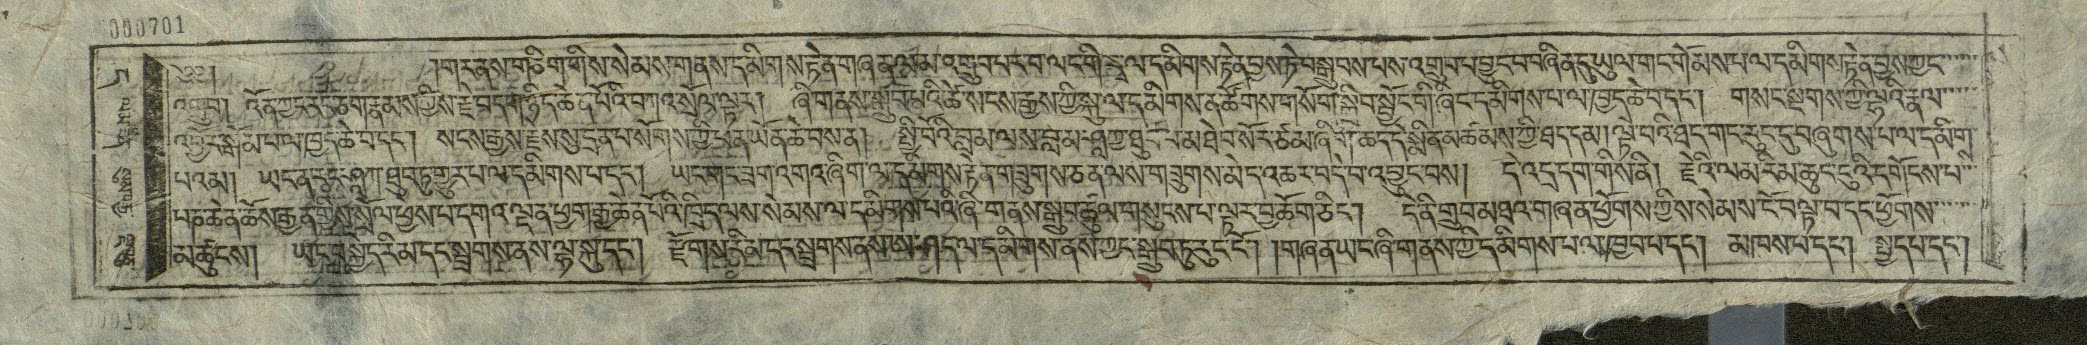༄༅། །གར་ནས་གཅིག་གིས་སེམས་གནས་དམིགས་རྟེན་གཞན་ལ་མ་འགྲུབ་པར་བ་ལང་གི་རྭ་ལ་དམིགས་རྟེན་བྱས་ཏེ་བསྒྲུབས་པས་འགྲུབ་པ་བྱུང་བ་བཞིན་དུ་ཡུལ་གང་གོམས་པ་ལ་དམིགས་རྟེན་བྱས་ཀྱང་
འགྲུབ། འོན་ཀྱང་རང་ཅག་རྣམས་ཀྱིས་རྗེ་བདག་ཉིད་ཆེན་པོའི་བཀའ་སྲོལ་ལྟར། ཞི་གནས་སྒྲུབ་པའི་ཚེ་སངས་རྒྱས་ཀྱི་སྐུ་ལ་དམིགས་ན་ཚོགས་གསོག་སྒྲིབ་སྦྱོང་གི་ཞིང་དམིགས་པ་ལ་ཁྱད་ཆེ་བ་དང་། གསང་སྔགས་ཀྱི་ལྷའི་རྣལ་
འབྱོར་སྒོམ་པ་ལ་ཁྱད་ཆེ་བ་དང་། སངས་རྒྱས་རྗེས་སུ་དྲན་པ་སོགས་ཀྱི་ཕན་ཡོན་ཆེ་བས་ན། སྤྱི་བོའི་བླ་མ་ལས་བླ་མ་ཤཱཀྱ་ཐུབ་པ་མཐེབ་སོར་ཙམ་ཞིག་ཆད་དེ་སྨིན་མཚམས་ཀྱི་ཐད་དམ། ལྟེ་བའི་ཐད་གང་རུང་དུ་བཞུགས་པ་ལ་དམིགས་
པའམ། ཡང་ན་རང་ཤཱཀ་?་ཐུབ་ཏུ་གྱུར་པ་ལ་དམིགས་པ་དང་། ཡང་གང་ཟག་འགའ་ཞིག་ལ་དམིགས་རྟེན་གཟུགས་ཅན་ལས་གཟུགས་མེད་འཆར་བདེ་བ་འབྱུང་བས། དེ་འདྲ་དག་གིས་ནི། རྗེའི་ལམ་རིམ་ཆུང་ངུའི་དགོངས་པ་
པཎ་ཆེན་ཆོས་རྒྱན་གྱིས་སྲོལ་ཕྱེས་པ་དགའ་ལྡན་ཕྱག་རྒྱ་ཆེན་པོའི་ཁྲིད་ལས་སེམས་ལ་དམིགས་པའི་ཞི་གནས་སྒྲུབ་ཚུལ་གསུངས་པ་ལྟར་བྱ་ཆོག་ཅིང་། དེ་ནི་གྲུབ་མཐའ་གཞན་ཕྱོགས་ཀྱིས་སེམས་ངོ་བལྟ་བ་དང་ཕྱོགས་
མཚུངས། ཡང་བསྐྱེད་རིམ་དང་སྦྲགས་ནས་ལྷ་སྐུ་དང་། རྫོགས་རིམ་དང་སྦྲགས་ནས་ཨ་ཤད་ལ་དམིགས་ནས་སྐྱང་སྒྲུབ་ཏུ་རུང་ངོ། །གཞན་ཡང་ཞི་གནས་ཀྱི་དམིགས་པ་ལ་ཁྱབ་པ་དང་། མཁས་པ་དང་། སྤྱད་པ་དང་།